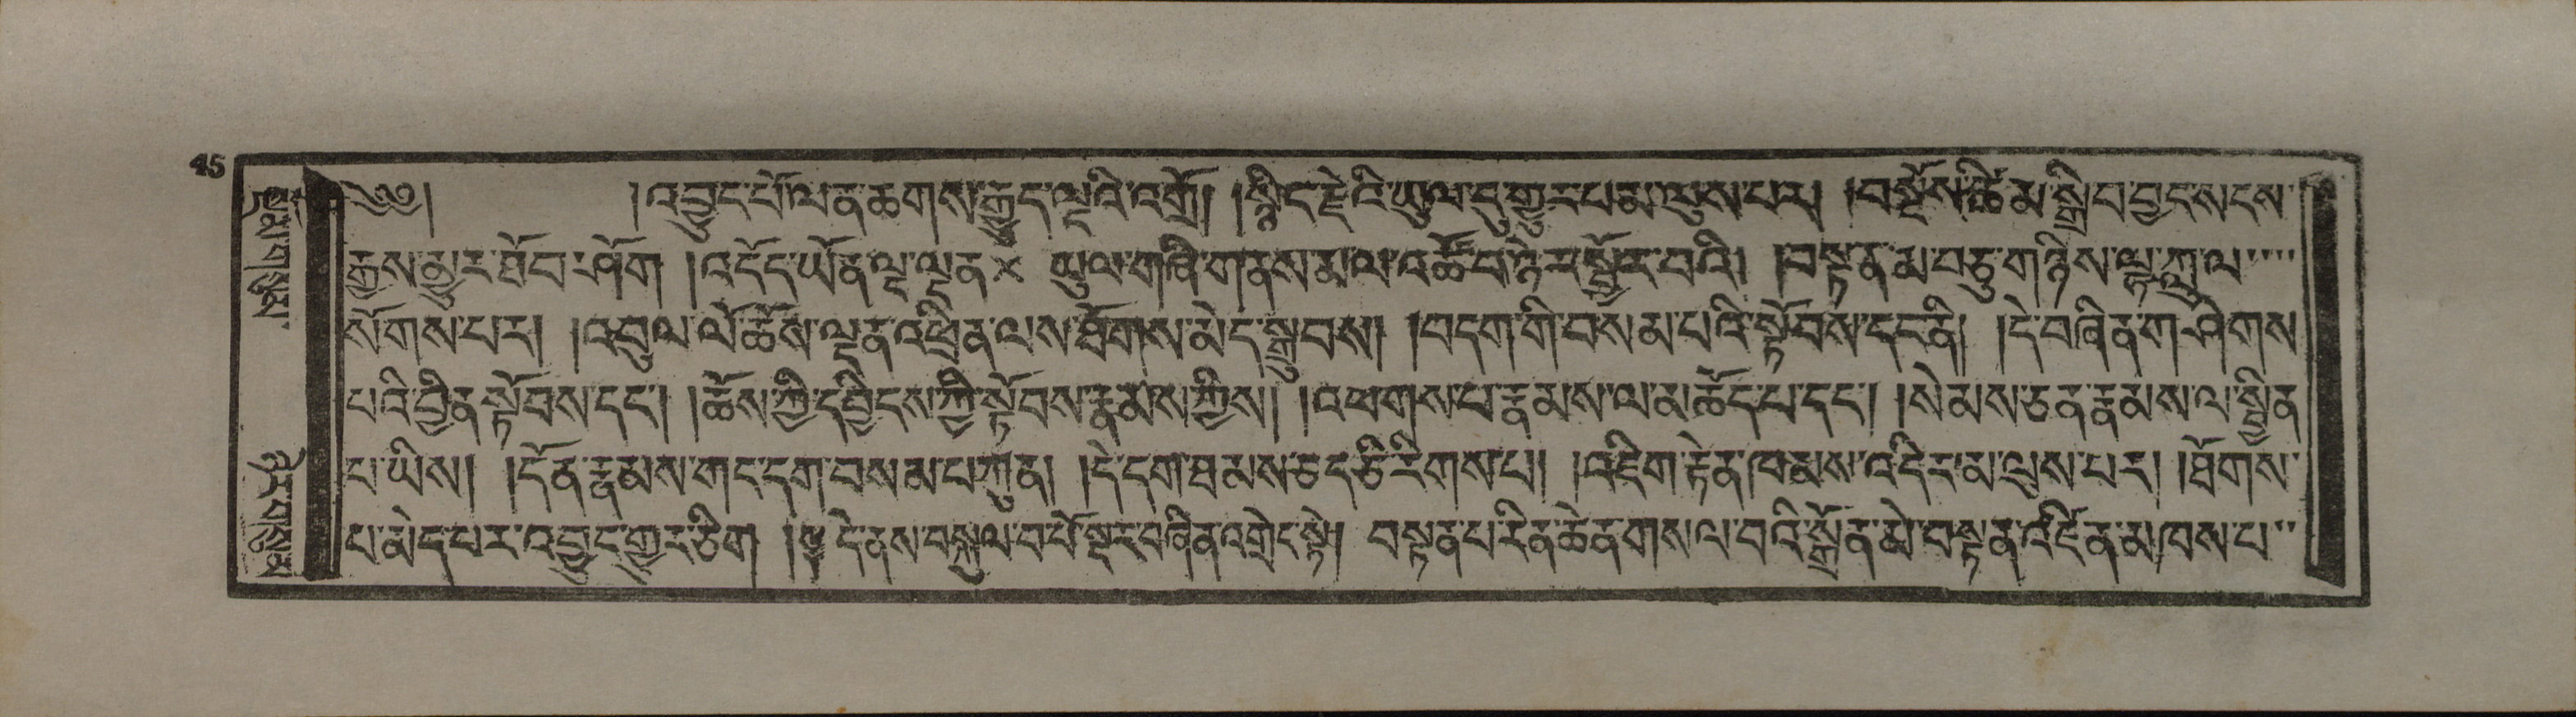༄༅། །འབྱུང་པོ་ལན་ཆགས་རྒྱུད་ལྔའི་འགྲོ། །སྙིང་རྗེའི་ཡུལ་དུ་གྱུར་པ་མ་ལུས་པར། །བསྔོས་ཚིམ་སྒྲིབ་བྱང་སངས་
རྒྱས་མྱུར་ཐོབ་ཤོག །འདོད་ཡོན་ལྔ་ལྡན་ཟས་མཆོག་དམ་པ་འདི། ཡུལ་གཞི་གནས་མལ་འཚོ་བ་ཉེར་སྦྱོར་བའི། །བསྟན་མ་བཅུ་གཉིས་ལྷ་ཀླུ་ལ་
སོགས་པར། །འབུལ་ལོ་ཆོས་ལྡན་འཕྲིན་ལས་ཐོགས་མེད་སྒྲུབས། །བདག་གི་བསམ་པའི་སྟོབས་དང་ནི། །དེ་བཞིན་གཤེགས་
པའི་བྱིན་སྟོབས་དང་། །ཆོས་ཀྱི་དབྱིངས་ཀྱི་སྟོབས་རྣམས་ཀྱིས། །འཕགས་པ་རྣམས་ལ་མཆོད་པ་དང་། །སེམས་ཅན་རྣམས་ལ་སྦྱིན་
པ་ཡིས། །དོན་རྣམས་གང་དག་བསམ་པ་ཀུན། །དེ་དག་ཐམས་ཅད་ཅི་རིགས་པ། །འཇིག་རྟེན་ཁམས་འདིར་མ་ལུས་པར། །ཐོགས་
པ་མེད་པར་འབྱུང་གྱུར་ཅིག །༈ དེ་ནས་བསྐུལ་བ་པོ་སྔར་བཞིན་འགྲེང་སྟེ། བསྟན་པ་རིན་ཆེན་གསལ་བའི་སྒྲོན་མེ་བསྟན་འཛིན་མཁས་པ་